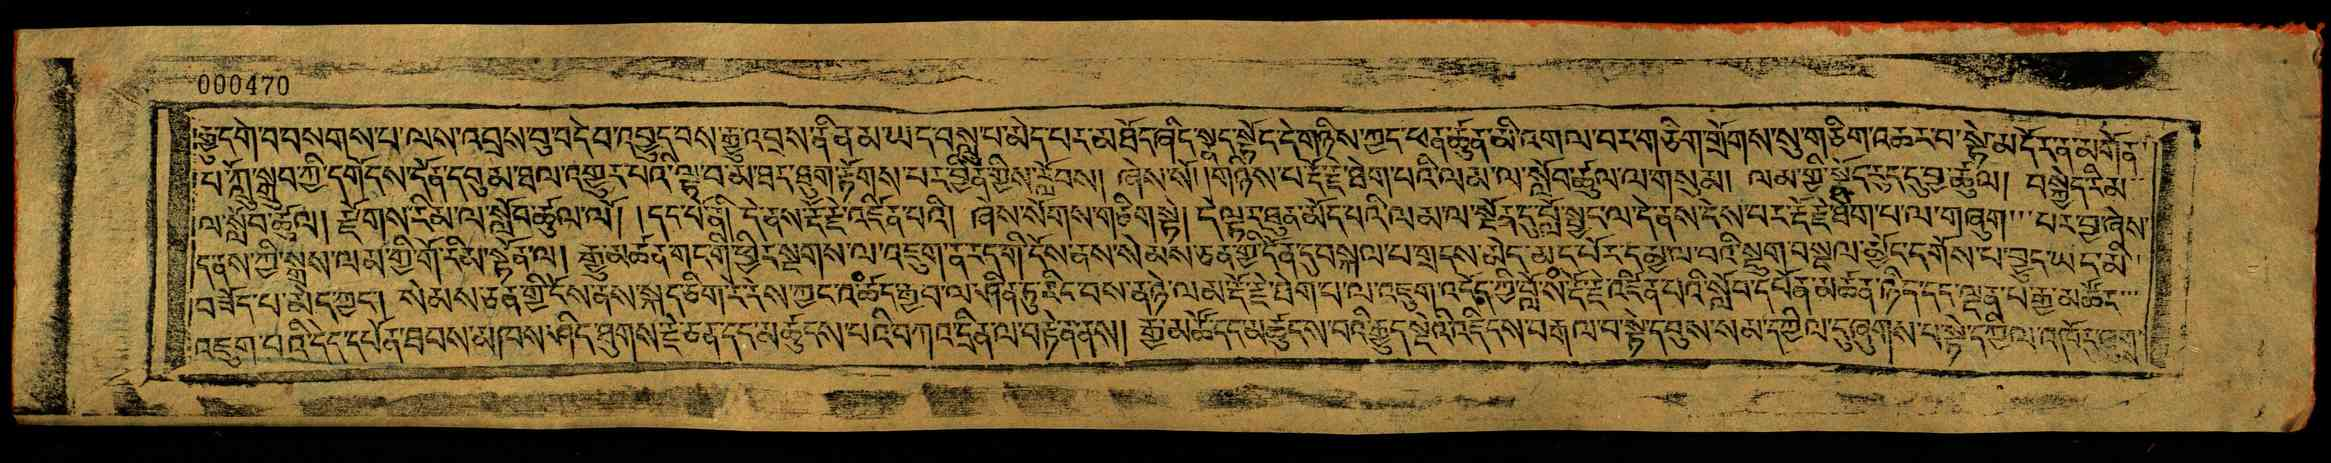རྒྱུ་དགེ་བ་བསགས་པ་ལས་འབྲས་བུ་བདེ་བ་འབྱུང་བས་རྒྱུ་འབྲས་ནི་ནམ་ཡང་བསླུ་བ་མེད་པར་མཐོང་ཞིང་སྣང་སྟོང་དེ་གཉིས་ཀྱང་ཕན་ཚུན་མི་འགལ་བར་གཅིག་གྲོགས་སུ་གཅིག་འཆར་བ་སྟེ་མདོར་ན་མགོན་
པོ་ཀླུ་སྒྲུབ་ཀྱི་དགོངས་དོན་དབུ་མ་ཐལ་འགྱུར་བའི་ལྟ་བ་མཐར་ཐུག་རྟོགས་པར་བྱིན་གྱིས་རློབས། ཞེས་སོ། །གཉིས་པ་རྡོ་རྗེ་ཐེག་པའི་ལམ་ལ་སློབ་ཚུལ་ལ་གསུམ། ལམ་གྱི་སྣོད་རུང་དུ་བྱ་ཚུལ། བསྐྱེད་རིམ་
ལ་སློབ་ཚུལ། རྫོགས་རིམ་ལ་སློབ་ཚུལ་ལོ། །དང་པོ་ནི། དེ་ནས་རྡོ་རྗེ་འཛིན་པའི། ཞེས་སོགས་གཅིག་སྟེ། དེ་ལྟར་ཐུན་མོང་བའི་ལམ་ལ་སྔོན་དུ་བློ་སྦྱོང་ལ་དེ་ནས་ངེས་པར་རྡོ་རྗེ་ཐེག་པ་ལ་གཞུག་པར་བྱ་ཞེས་
དེ་ནས་ཀྱི་སྒྲས་ལམ་གྱི་གོ་རིམ་སྟོན་ལ། རྒྱུ་མཚན་གང་གི་ཕྱིར་སྔགས་ལ་འཇུག་ན་རང་གི་ངོས་ནས་སེམས་ཅན་གྱི་དོན་དུ་བསྐལ་པ་གྲངས་མེད་མང་པོར་དམྱལ་བའི་སྡུག་བསྔལ་མྱོང་དགོས་པ་བྱུང་ཡང་མི་
བཟོད་པ་མེད་ཀྱང་། སེམས་ཅན་གྱི་ངོས་ནས་སྐད་ཅིག་རེ་རེས་ཀྱང་འཚང་རྒྱ་བ་ལ་ཤིན་ཏུ་རིང་བས་ན་ཉེ་ལམ་རྡོ་རྗེ་ཐེག་པ་ལ་འཇུག་འདོད་ཀྱི་བློས་རྡོ་རྗེ་འཛིན་པའི་སློབ་དཔོན་མཚན་ཉིད་དང་ལྡན་པ་རྒྱ་མཚོར་
འཇུག་པའི་དེད་དཔོན་ཐབས་མཁས་ཤིང་ཐུགས་རྗེ་ཅན་དང་མཚུངས་པའི་བཀའ་དྲིན་ལ་བརྟེན་ནས། རྒྱ་མཚོ་དང་མཚུངས་པའི་རྒྱུད་སྡེའི་འཇིངས་བརྒལ་བ་སྟེ་དབུས་སམ་དཀྱིལ་དུ་ཞུགས་པ་སྟེ་དཀྱིལ་འཁོར་རུ་ཞུགས་